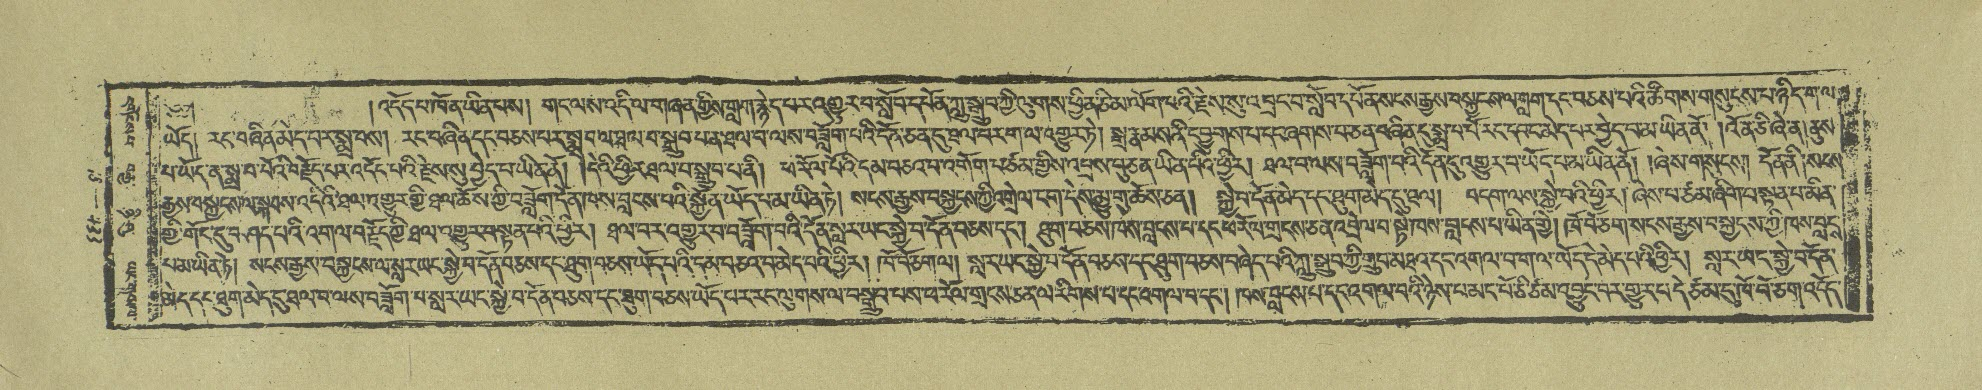༄༅། །འདོད་པ་ཁོ་ན་ཡིན་པས། གང་ལས་འདི་ལ་གཞན་གྱིས་གླག་རྙད་པར་འགྱུར་བ་སློབ་དཔོན་ཀླུ་སྒྲུབ་ཀྱི་ལུགས་ཕྱིན་ཅི་མ་ལོག་པའི་རྗེས་སུ་འབྲང་བ་སློབ་དཔོན་སངས་རྒྱས་བསྐྱངས་ལ་གླག་དང་བཅས་པའི་ཚིགས་གསུངས་པ་ཉིད་ག་ལ་
ཡོད། རང་བཞིན་མེད་པར་སྨྲ་བས། རང་བཞིན་དང་བཅས་པར་སྨྲ་བ་ལ་ཐལ་བ་སྒྲུབ་པ་ན་ཐལ་བ་ལས་བཟློག་པའི་དོན་ཅན་དུ་ཐལ་བར་ག་ལ་འགྱུར་ཏེ། སྒྲ་རྣམས་ནི་དབྱུགས་པ་དང་ཞགས་པ་ཅན་བཞིན་དུ་སྨྲ་བ་པོ་རང་དབང་མེད་པར་བྱེད་པ་མ་ཡིན་ནོ། །འོ་ན་ཅི་ཞེ་ན། ནུས་
པ་ཡོད་ན་སྨྲ་བ་པོའི་བརྗོད་པར་འདོད་པའི་རྗེས་སུ་བྱེད་པ་ཡིན་ནོ། །དེའི་ཕྱིར་ཐལ་བ་སྒྲུབ་པ་ནི། ཕ་རོལ་པོའི་དམ་བཅའ་བ་འགོག་པ་ཙམ་གྱིས་འབྲས་བུ་ཅན་ཡིན་པའི་ཕྱིར། ཐལ་བ་ལས་བཟློག་པའི་དོན་དུ་འགྱུར་བ་ཡོད་པ་མ་ཡིན་ནོ། །ཞེས་གསུངས། དོན་ནི། སངས་
རྒྱས་བསྐྱངས་ལ་སྐབས་འདིའི་ཐལ་འགྱུར་གྱི་ཐལ་ཆོས་ཀྱི་བཟློག་དོན་ཁས་བླངས་པའི་སྐྱོན་ཡོད་པ་མ་ཡིན་ཏེ། སངས་རྒྱས་བསྐྱངས་ཀྱི་འགྲེལ་ངག་དེས་མྱུ་གུ་ཆོས་ཅན། སྐྱེ་བ་དོན་མེད་དང་ཐུག་མེད་དུ་ཐལ། བདག་ལས་སྐྱེ་བའི་ཕྱིར། ཞེས་པ་ཙམ་ཞིག་བསྟན་པ་མིན་
གྱི་གོང་དུ་བཤད་པའི་འགལ་བརྗོད་ཀྱི་ཐལ་འགྱུར་བསྟན་པའི་ཕྱིར། ཐལ་བར་འགྱུར་བ་བཟློག་པའི་དོན་སླར་ཡང་སྐྱེ་བ་དོན་བཅས་དང་། ཐུག་བཅས་ཁས་བླངས་པ་དང་ཕ་རོལ་གྲངས་ཅན་འབྲེལ་བ་སྟེ་ཁས་བླངས་པ་ཡིན་གྱི། ཁོ་བོ་ཅག་སངས་རྒྱས་བསྐྱངས་ཀྱི་ཁས་བླངས་
པ་མ་ཡིན་ཏེ། སངས་རྒྱས་བསྐྱངས་ལ་སླར་ཡང་སྐྱེ་བ་དོན་བཅས་དང་ཐུག་བཅས་ཡོད་པའི་དམ་བཅའ་བ་མེད་པའི་ཕྱིར། ཁོ་བོ་ཅག་ལ། སླར་ཡང་སྐྱེ་བ་དོན་བཅས་དང་ཐུག་བཅས་བཞེད་པའི་ཀླུ་སྒྲུབ་ཀྱི་གྲུབ་མཐའ་དང་འགལ་བ་ག་ལ་ཡོད་དེ་མེད་པའི་ཕྱིར། སླར་ཡང་སྐྱེ་བ་དོན་
མེད་དང་ཐུག་མེད་དུ་ཐལ་བ་ལས་བཟློག་པ་སླར་ཡང་སྐྱེ་བ་དོན་བཅས་དང་ཐུག་བཅས་ཡོད་པར་རང་ལུགས་ལ་བསྒྲུབ་པས་ཕ་རོལ་གྲངས་ཅན་ལ་རིགས་པ་དང་འགལ་བ་དང་། ཁས་བླངས་པ་དང་འགལ་བའི་ཉེས་པ་མང་པོ་ཅི་ཙམ་འབྱུང་བར་གྱུར་བ་དེ་ཙམ་དུ་ཁོ་བོ་ཅག་འདོད་